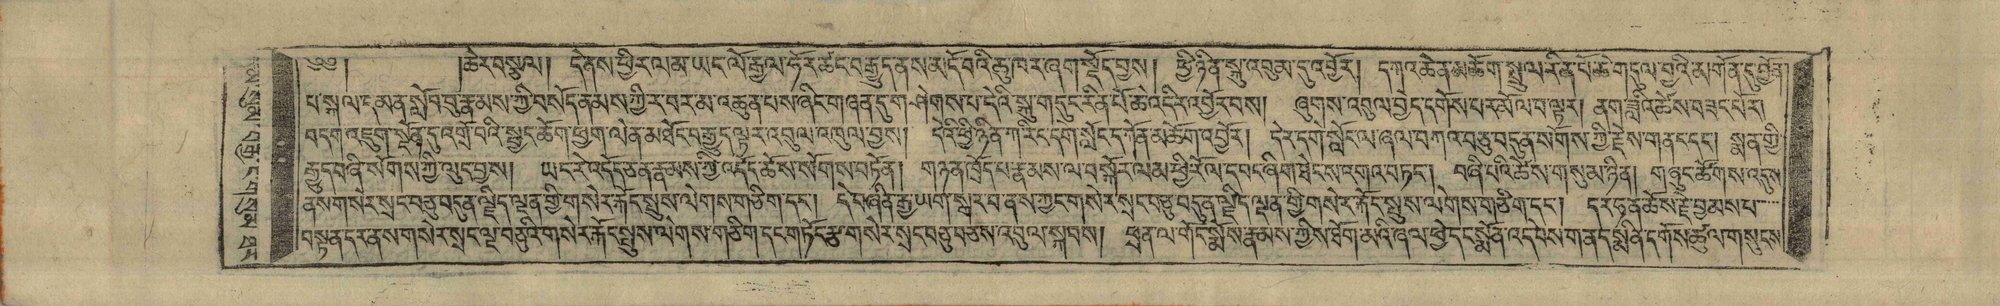༄༅། །ཆེར་བསྩལ། དེ་ནས་ཕྱིར་ལམ་ཡང་ལོ་རྒྱལ་ཧོར་ཚང་བརྒྱུད་ནས་མདོ་བའི་ཆུ་ཁར་ཞག་སྡོད་བྱས། ཕྱི་ཉིན་སྐུ་འབུམ་དུ་འབྱོར། དཀའ་ཆེན་མཆོག་སྤྲུལ་རིན་པོ་ཆེ་གདུལ་བྱའི་མགོན་དུ་བྱོན་
པ་སྐལ་དམན་སློབ་བུ་རྣམས་ཀྱི་བསོད་ནམས་ཀྱི་ར་བར་མ་འཆུན་པས་ཞིང་གཞན་དུ་གཤེགས་པ་དེའི་སྐུ་གདུང་རིན་པོ་ཆེ་འདིར་འབྱོར་བས། ཞུགས་འབུལ་བྱེད་དགོས་པར་མོལ་བ་ལྟར། ནག་ཟླའི་ཚེས་བཟང་པོར།
བདག་འཇུག་སྔོན་དུ་འགྲོ་བའི་སྦྱང་ཆོག་ཕྱག་ལེན་མཐོང་བརྒྱུད་ལྟར་འབུལ་འཁུལ་བྱས། དེའི་ཕྱི་ཉིན་ཀ་རིང་དགེ་སློང་དཀོན་མཆོག་འབྱོར། དེར་དགེ་སློང་ལ་ཞལ་བཀའ་བཅུ་བདུན་སོགས་ཀྱི་རྗེས་གནང་དང་། སྨན་གྱི་
རྒྱུད་བཞི་སོགས་ཀྱི་ལུང་བྱས། ཡང་རེ་འདོད་ཅན་རྣམས་ཀྱི་འདོད་ཆོས་སོགས་བཏོན། གཉན་ཁྲོད་པ་རྣམས་ལ་བསྐོར་ལམ་ཕྱི་རོལ་དབང་ཞིག་ཐེངས་འགའ་བཏང་། བཞི་པའི་ཚེས་གསུམ་ཉིན། གཞུང་ཚོགས་འདུས་
ནས་གསེར་སྲང་བཅུ་བདུན་ལྗིད་ལྡན་གྱི་གསེར་རྐོང་སྤུས་ལེགས་གཅིག་དང་། དེ་བཞིན་རྒྱ་ཡག་སྒར་བ་ནས་ཀྱང་གསེར་སྲང་བཅུ་བདུན་ལྗིད་ལྡན་གྱི་གསེར་རྐོང་སྤུས་ལེགས་གཅིག་དང་། དར་ཧན་ཆོས་རྗེ་བྱམས་པ་
བསྟན་དར་ནས་གསེར་སྲང་ལྔ་བཅུའི་གསེར་རྐོང་སྤུས་ལེགས་གཅིག་དང་གཏོང་རྩ་གསེར་སྲང་བཅུ་བཅས་འབུལ་སྐབས། ཕྲན་ལ་གོང་སྨོན་རྣམས་ཀྱིས་ཐོག་མའི་ཞལ་ཕྱེ་དང་སྨོན་འདེབས་གནད་སྨིན་དགོས་ཚུལ་གསུངས་